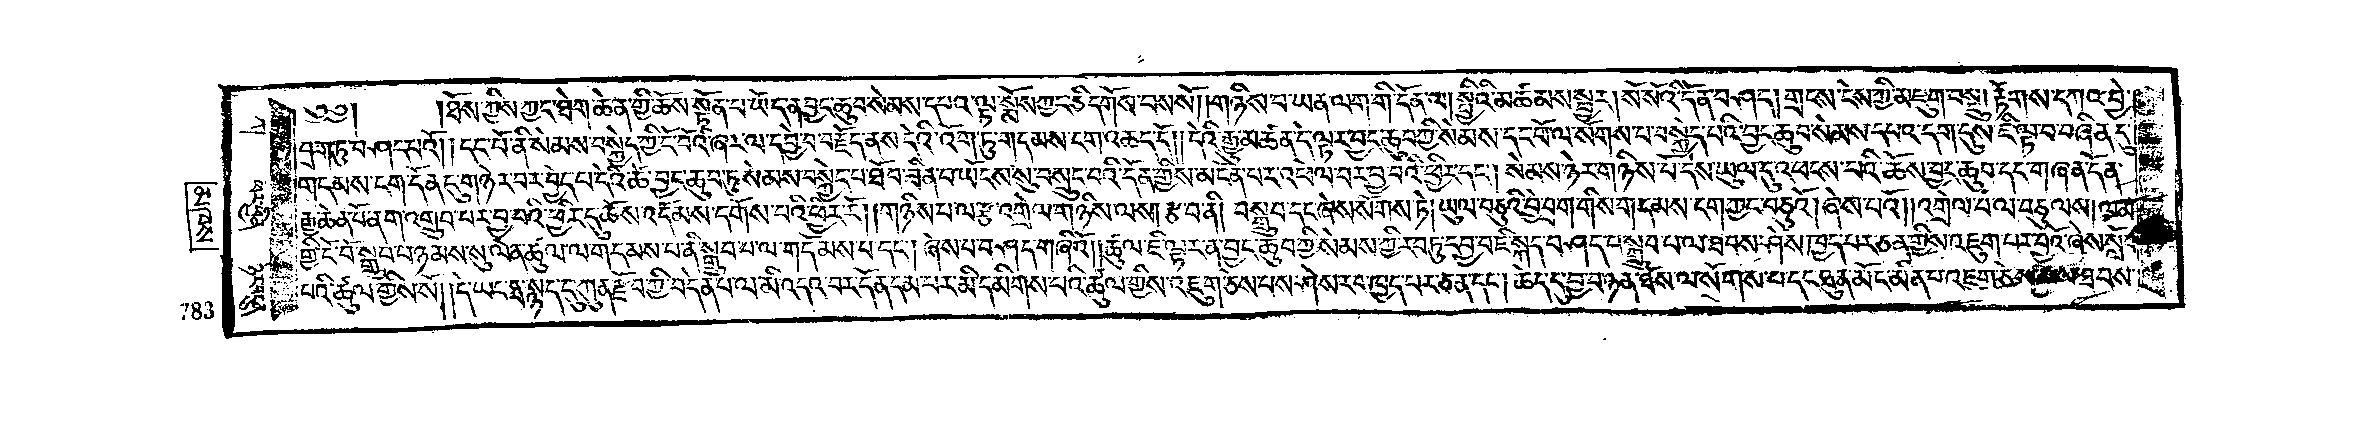༄༅། །ཐོས་ཀྱིས་ཀྱང་ཐེག་ཆེན་གྱི་ཆོས་སྟོན་པ་ཡོད་ན་བྱང་ཆུབ་སེམས་དཔའ་ལྟ་སྨོས་ཀྱང་ཅི་དགོས་པས་སོ། །གཉིས་པ་ཡན་ལག་གི་དོན་ལ། སྤྱིའི་མཚམས་སྦྱར། སོ་སོའི་དོན་བཤད། གྲངས་ངེས་ཀྱི་མཇུག་བསྡུ། རྟོགས་དཀའ་བྱེ་
བྲག་ཏུ་བཤད་པའོ། །དང་པོ་ནི་སེམས་བསྐྱེད་ཀྱི་ངོ་བོའི་ཞར་ལ་དབྱེ་བ་བརྗོད་ནས་དེའི་འོག་ཏུ་གདམས་ངག་འཆད་དོ། །དེའི་རྒྱུ་མཚན་དེ་ལྟར་བྱང་ཆུབ་ཀྱི་སེམས་དང་པོ་ལ་སོགས་པ་བསྐྱེད་པའི་བྱང་ཆུབ་སེམས་དཔའ་དག་དུས་ཇི་ལྟ་བ་བཞིན་དུ་
གདམས་ངག་དོན་དུ་གཉེར་བར་བྱེད་པ་དེའི་ཚེ་བྱང་ཆུབ་ཏུ་སེམས་བསྐྱེད་པ་ཐོབ་ཟིན་པ་ཡོངས་སུ་བསྲུང་བའི་དོན་གྱིས་མངོན་པར་འཕེལ་བར་བྱ་བའི་ཕྱིར་དང་། སེམས་ཉེར་གཉིས་པོ་དེས་ཡུལ་དུ་འཕངས་པའི་ཆོས་བྱང་ཆུབ་དང་གཞན་དོན་
རྒྱ་ཆེན་པོ་ནག་འགྲུབ་པར་བྱ་བའི་ཕྱིར་དུ་ཆོས་འདོམས་དགོས་པའི་ཕྱིར་རོ། །གཉིས་པ་ལ་རྩ་འགྲེལ་གཉིས་ལས། རྩ་བ་ནི། བསྒྲུབ་དང་ཞེས་སོགས་ཏེ། ཡུལ་བཅུའི་བྱེ་བྲག་གིས་གདམས་ངག་ཀྱང་བཅུའོ། ཞེས་པའོ། །འགྲེལ་བ་ལ་བཅུ་ལས། ལམ་
གྱི་ངོ་བོ་སྒྲུབ་པ་ཉམས་སུ་ལེན་ཚུལ་ལ་གདམས་པ་ནི་སྒྲུབ་པ་ལ་གདོམས་པ་དང་། ཞེས་པ་བཤད་གཞིའོ། །ཚུལ་ཇི་ལྟར་ན་བྱང་ཆུབ་ཀྱི་སེམས་ཀྱི་རབ་ཏུ་དབྱེ་བ་ཇི་སྐད་བཤད་པ་སྒྲུབ་པ་ལ་ཐབས་ཤེས་ཁྱད་པར་ཅན་གྱིས་འཇུག་པར་བྱའོ་ཞེས་སློབ་
པའི་ཚུལ་གྱིས་སོ། །དེ་ཡང་ཐ་སྙད་དུ་ཀུན་རྫོབ་ཀྱི་བདེན་པ་ལ་མི་འདའ་བར་དོན་དམ་པར་མི་དམིགས་པའི་ཚུལ་གྱིས་འཇུག་ཅེས་པས་ཤེས་རབ་ཁྱད་པར་ཅན་དང་། ཆེད་དུ་བྱ་བ་ཉན་ཐོས་ལ་སྲོགས་པ་དང་ཐུན་མོང་མིན་པ་འཇུག་ཅེས་པས་ཐབས་